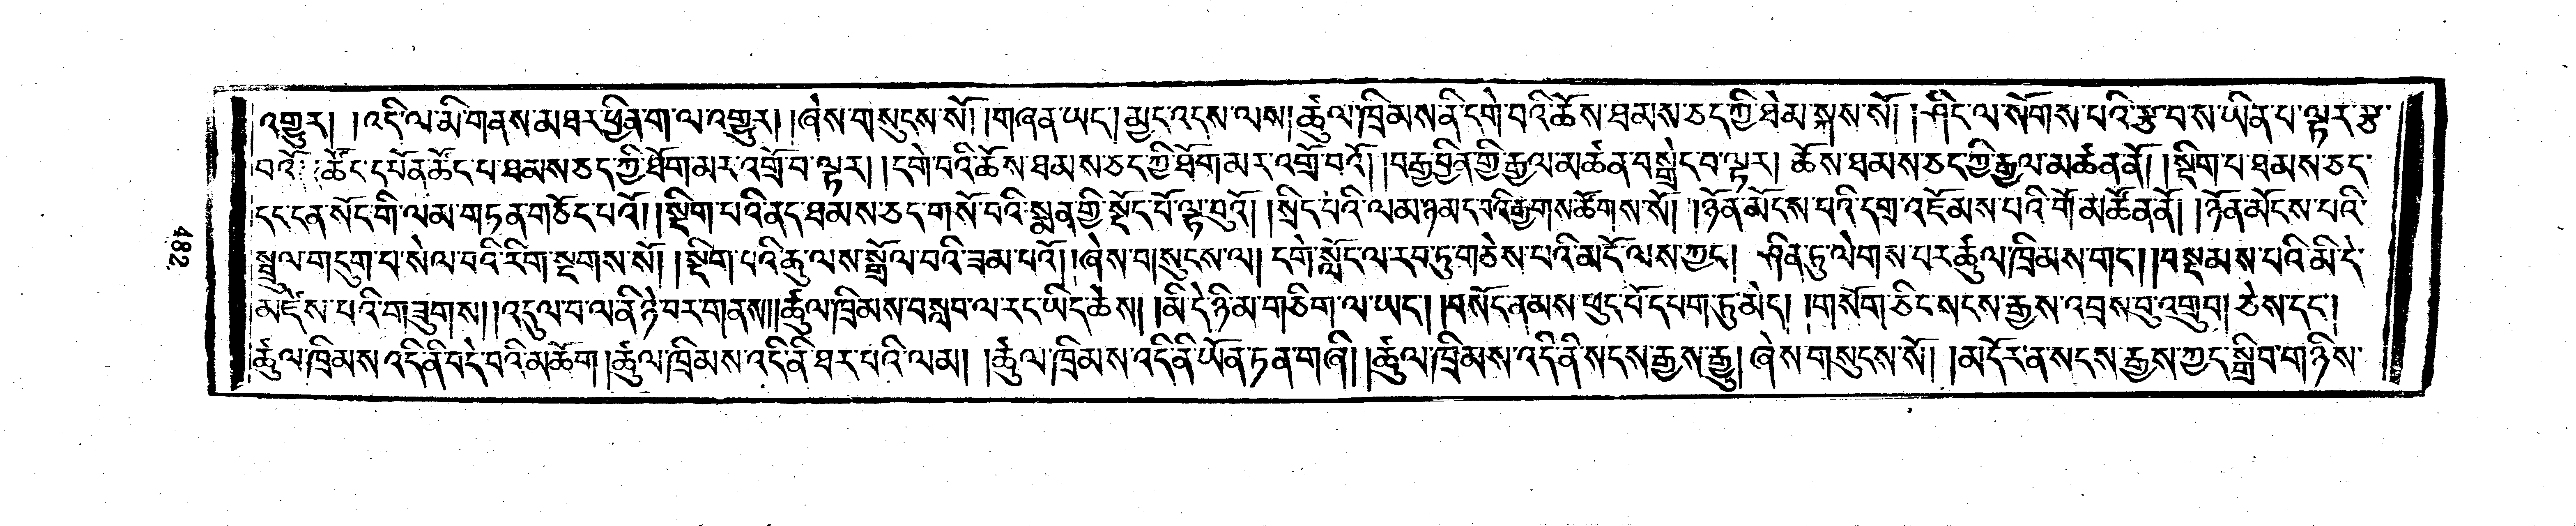འགྱུར། །འདི་ལ་མི་གནས་མཐར་ཕྱིན་ག་ལ་འགྱུར། །ཞེས་གསུངས་སོ། །གཞན་ཡང་། མྱང་འདས་ལ། ཚུལ་ཁྲིམས་ནི་དགེ་བའི་ཆོས་ཐམས་ཅད་ཀྱི་ཐེམ་སྐས་སོ། །ཤིང་ལ་སོགས་པའི་རྩ་བས་ཡིན་པ་ལྟར་རྩ་
བའོ༑ ༑ཚོང་དཔོན་ཚོང་པ་ཐམས་ཅད་ཀྱི་ཐོག་མར་འགྲོ་བ་ལྟར། །དགེ་བའི་ཆོས་ཐམས་ཅད་ཀྱི་ཐོག་མར་འགྲོ་བའོ། །བརྒྱ་བྱིན་གྱི་རྒྱལ་མཚན་བསྒྲེང་བ་ལྟར། ཆོས་ཐམས་ཅད་ཀྱི་རྒྱལ་མཚན་ནོ། །སྡིག་པ་ཐམས་ཅད་
དང་ངན་སོང་གི་ལམ་གཏན་གཅོད་པའོ། །སྡིག་པའི་ནང་ཐམས་ཅད་གསོ་བའི་སྨན་གྱི་སྡོང་པོ་ལྟ་བུའོ། །སྲིད་པའི་ལམ་ཉམ་ང་བའི་རྒྱགས་ཚོགས་སོ། །ཉོན་མོངས་པའི་དགྲ་འཇོམས་པའི་གོ་མཚོན་ནོ། །ཉོན་མོངས་པའི་
སྦྲུལ་གདུག་པ་སེལ་བའི་རིག་སྔགས་སོ། །སྡིག་པའི་ཆུ་ལས་སྒྲོལ་བའི་ཟམ་པའོ། །ཞེས་གསུངས་ལ། དགེ་སློང་ལ་རབ་ཏུ་གཅེས་པའི་མདོ་ལས་ཀྱང་། ཤིན་ཏུ་ལེགས་པར་ཚུལ་ཁྲིམས་གང་། །བསྡམས་པའི་མི་དེ་
མཛེས་པའི་གཟུགས། །འདུལ་བ་ལ་ནི་ཉེ་བར་གནས། །ཚུལ་ཁྲིམས་བསླབ་ལ་རང་ཡིད་ཆེས། །མི་དེ་ཉི་མ་གཅིག་ལ་ཡང་། །བསོད་ནམས་ཕུང་པོ་དཔག་ཏུ་མེད། །གསོག་ཅིང་སངས་རྒྱས་འབྲས་བུ་འགྲུབ། ཅེས་དང་།
ཚུལ་ཁྲིམས་འདི་ནི་བདེ་བའི་མཆོག །ཚུལ་ཁྲིམས་འདི་ནི་ཐར་པའི་ལམ། །ཚུལ་ཁྲིམས་འདི་ནི་ཡོན་ཏན་གཞི། །ཚུལ་ཁྲིམས་འདི་ནི་སངས་རྒྱས་རྒྱུ། ཞེས་གསུངས་སོ། །མདོར་ན་སངས་རྒྱས་ཀྱང་སྒྲིབ་གཉིས་